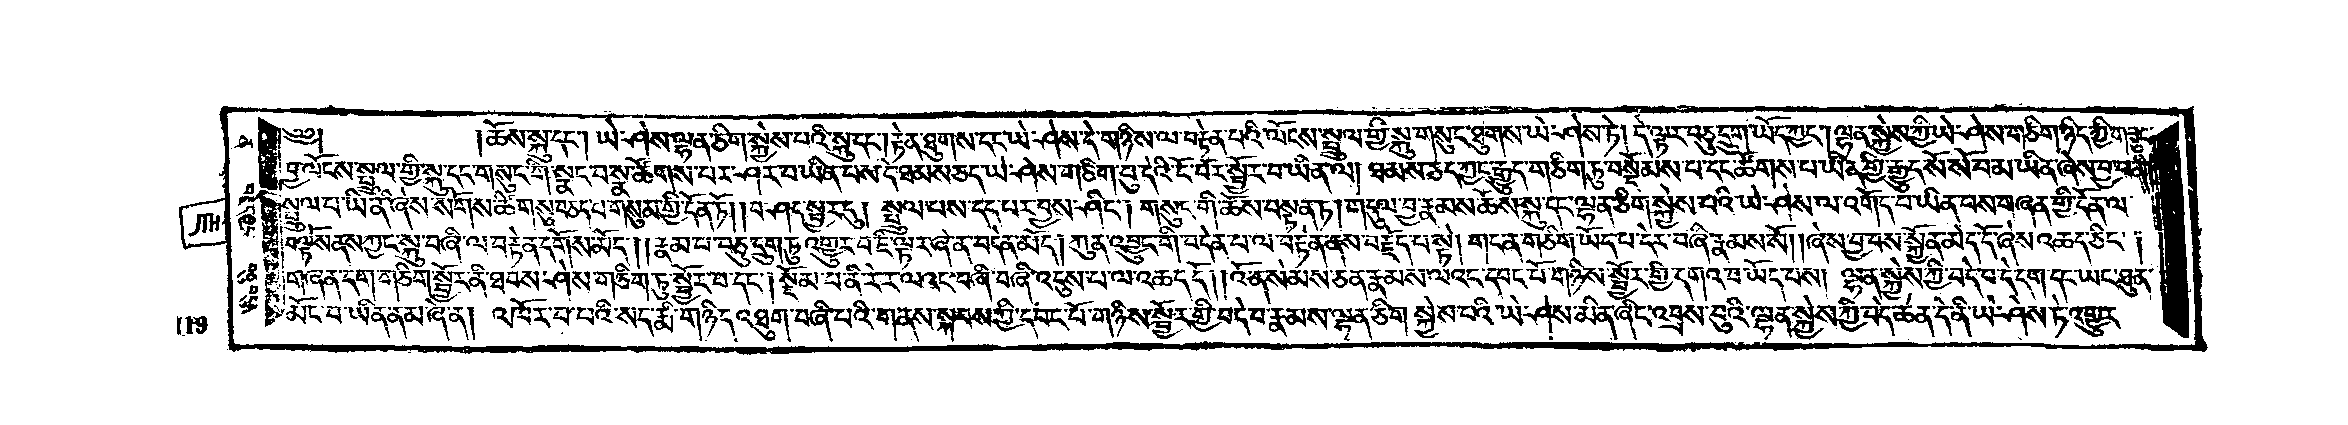༄༅། །ཆོས་སྐུ་དང་། ཡེ་ཤེས་ལྷན་ཅིག་སྐྱེས་པའི་སྐུ་དང་། རྟེན་ཐུགས་དང་ཡེ་ཤེས་དེ་གཉིས་ལ་བརྟེན་པའི་ལོངས་སྤྲུལ་གྱི་སྐུ་གསུང་ཐུགས་ཡེ་ཤེས་ཏེ། དེ་ལྟར་བཅུ་དྲུག་ཡོད་ཀྱང་། ལྷན་སྐྱེས་ཀྱི་ཡེ་ཤེས་གཅིག་ཉིད་ཀྱི་གཟུང་
བྱ་ལོངས་སྤྲུལ་གྱི་སྐུ་དང་གསུང་གི་སྣང་བ་སྣ་ཚོགས་པར་ཤར་བ་ཡིན་པས་དེ་ཐམས་ཅད་ཡེ་ཤེས་གཅིག་པུ་དེའི་ངོ་བོར་སྦྱོར་བ་ཡིན་ལ། ཐམས་ཅད་ཀྱང་རྒྱུད་གཅིག་ཏུ་བསྡོམས་པ་དང་ཚོགས་པ་ཡིན་གྱི་རྒྱུད་སོ་སོ་བ་མ་ཡིན་ཞེས་བྱ་བ་ནི།
སྤྲུལ་པ་ཡི་ནི་ཞེས་སོགས་ཚིགས་སུ་བཅད་པ་གསུམ་གྱི་དོན་ཏོ། །བཤད་སྦྱར་དུ། སྤྲུལ་པས་དད་པར་བྱས་ཤིང་། གསུང་གི་ཆོས་བསྟན་ཏ། གདུལ་བྱ་རྣམས་ཆོས་སྐུ་དང་ལྷན་ཅིག་སྐྱེས་པའི་ཡེ་ཤེས་ལ་འགོད་པ་ཡིན་པས་གཞན་གྱི་དོན་ལ་
བལྟོས་ནས་ཀྱང་སྐུ་བཞི་ལ་བརྟེན་དགོས་མོད། །རྣམ་པ་བཅུ་དྲུག་ཏུ་འགྱུར་བ་ཇི་ལྟར་ཞེ་ན་བདེན་མོད། ཀུན་འབྱུང་གི་བདེན་པ་ལ་བརྟེན་ནས་བརྗོད་པ་སྟེ། གང་ན་གཅིག་ཡོད་པ་དེར་བཞི་རྣམས་སོ། །ཞེས་བྱ་བས་སྐྱོན་མེད་དོ་ཞེས་འཆད་ཅིང་།
གཞན་དག་གཅིག་སྦྱོར་ནི་ཐབས་ཤེས་གཅིག་ཏུ་སྦྱོར་བ་དང་། སྡོམ་པ་ནི་རེ་རེ་ལའང་བཞི་བཞི་འདུས་པ་ལ་འཆད་དོ། །འོ་ན་སེམས་ཅན་རྣམས་ལའང་དབང་པོ་གཉིས་སྦྱོར་གྱི་དགའ་བ་ཡོད་པས། ལྷན་སྐྱེས་ཀྱི་བདེ་བ་དེ་དག་དང་ཡང་ཐུན་
མོང་བ་ཡིན་ནམ་ཞེ་ན། འཁོར་བ་པའི་སད་རྨི་གཉིད་འཐུག་བཞི་པའི་གནས་སྐབས་ཀྱི་དབང་པོ་གཉིས་སྦྱོར་གྱི་བདེ་བ་རྣམས་ལྷན་ཅིག་སྐྱེས་པའི་ཡེ་ཤེས་མིན་ཞིང་འབྲས་བུའི་ལྷན་སྐྱེས་ཀྱི་བདེ་ཆེན་དེ་ནི་ཡེ་ཤེས་ཏེ་འགྱུར་